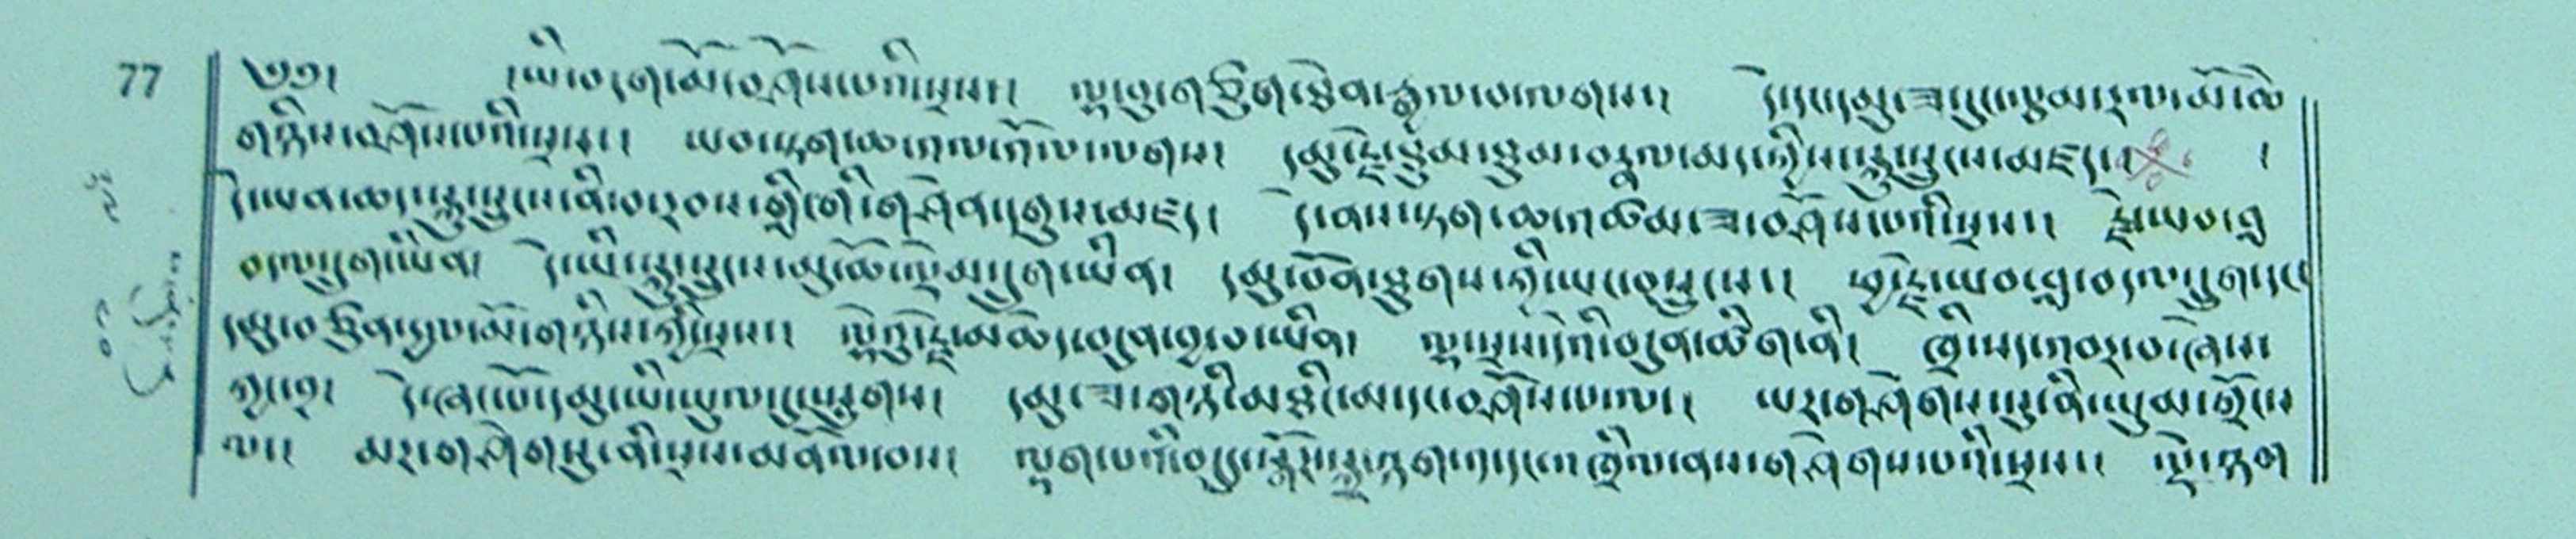༄༅། །ཡི་བདག་མོ་བཤོས་པའི་སྲས། ལྷ་བུ་གཙུག་ཐེན་རྒྱལ་བ་ལགས། དེ་དང་དམུ་ཟ་དུང་ལྕམ་རལ་མོ་ཆེ་
གཉིས་བཤོས་པའི་སྲས། ཡབ་སྟག་ཆ་འལ་ལོལ་ལགས། དམུ་རྗེ་ཐུམ་ཐུམ་བརྣལ་མེད་ཀྱིས་སྐུ་བསྲུང་མཛད། 
དེ་ཡན་ཆད་སྐུ་བསྲུངས་ནི། བ་རབ་གླིང་གི་གཤེན་དགུས་མཛད། དེ་ནས་སྟག་ཆ་འཚམས་ཟ་བཤོས་པའི་སྲས། རྗེ་ཡབ་བླ་
བདལ་དྲུག་ཡིན། དེ་ཡི་སྐུ་བསྲུང་མུ་ཆོ་ལྡེམ་དྲུག་ཡིན། དམུ་བོན་ཐུགས་ཀྱི་ཡང་བསྲུངས་མཛད། ཕྱྭ་རྗེ་ཡབ་ལྷ་བདལ་དྲུག་དང་། 
དམུ་བཙན་རྒྱལ་མོ་གཉིས་ཀྱི་སྲས། ལྷེའུ་རྗེ་མཆེད་བདུན་བྱ་བ་ཡིན། ལྷ་སྲས་དེ་ཡི་བདུན་ཚིགས་ནི། ཁྲི་སད་འབར་བ་ཞེས་
ཀྱང་བྱ། དེ་ཡི་ཞང་པོ་དམུ་ཡི་ཡུལ་དུ་སྤྱུགས། དམུ་ཟ་གཉིས་མཐིང་མ་དང་བཤོས་པ་ལ། ཡར་གཤེགས་སུ་ནི་ཡུམ་གྲོངས་
ལ། མར་གཤེགས་སུ་ནི་སྲས་མནོལ་བས། ལྷག་པའི་བདུད་སྒོར་སྐྲ་ཉག་གཅིག་དང་འཁྲིལ་ནས་བཤོས་པའི་སྲས། ལྡེ་ཉག་